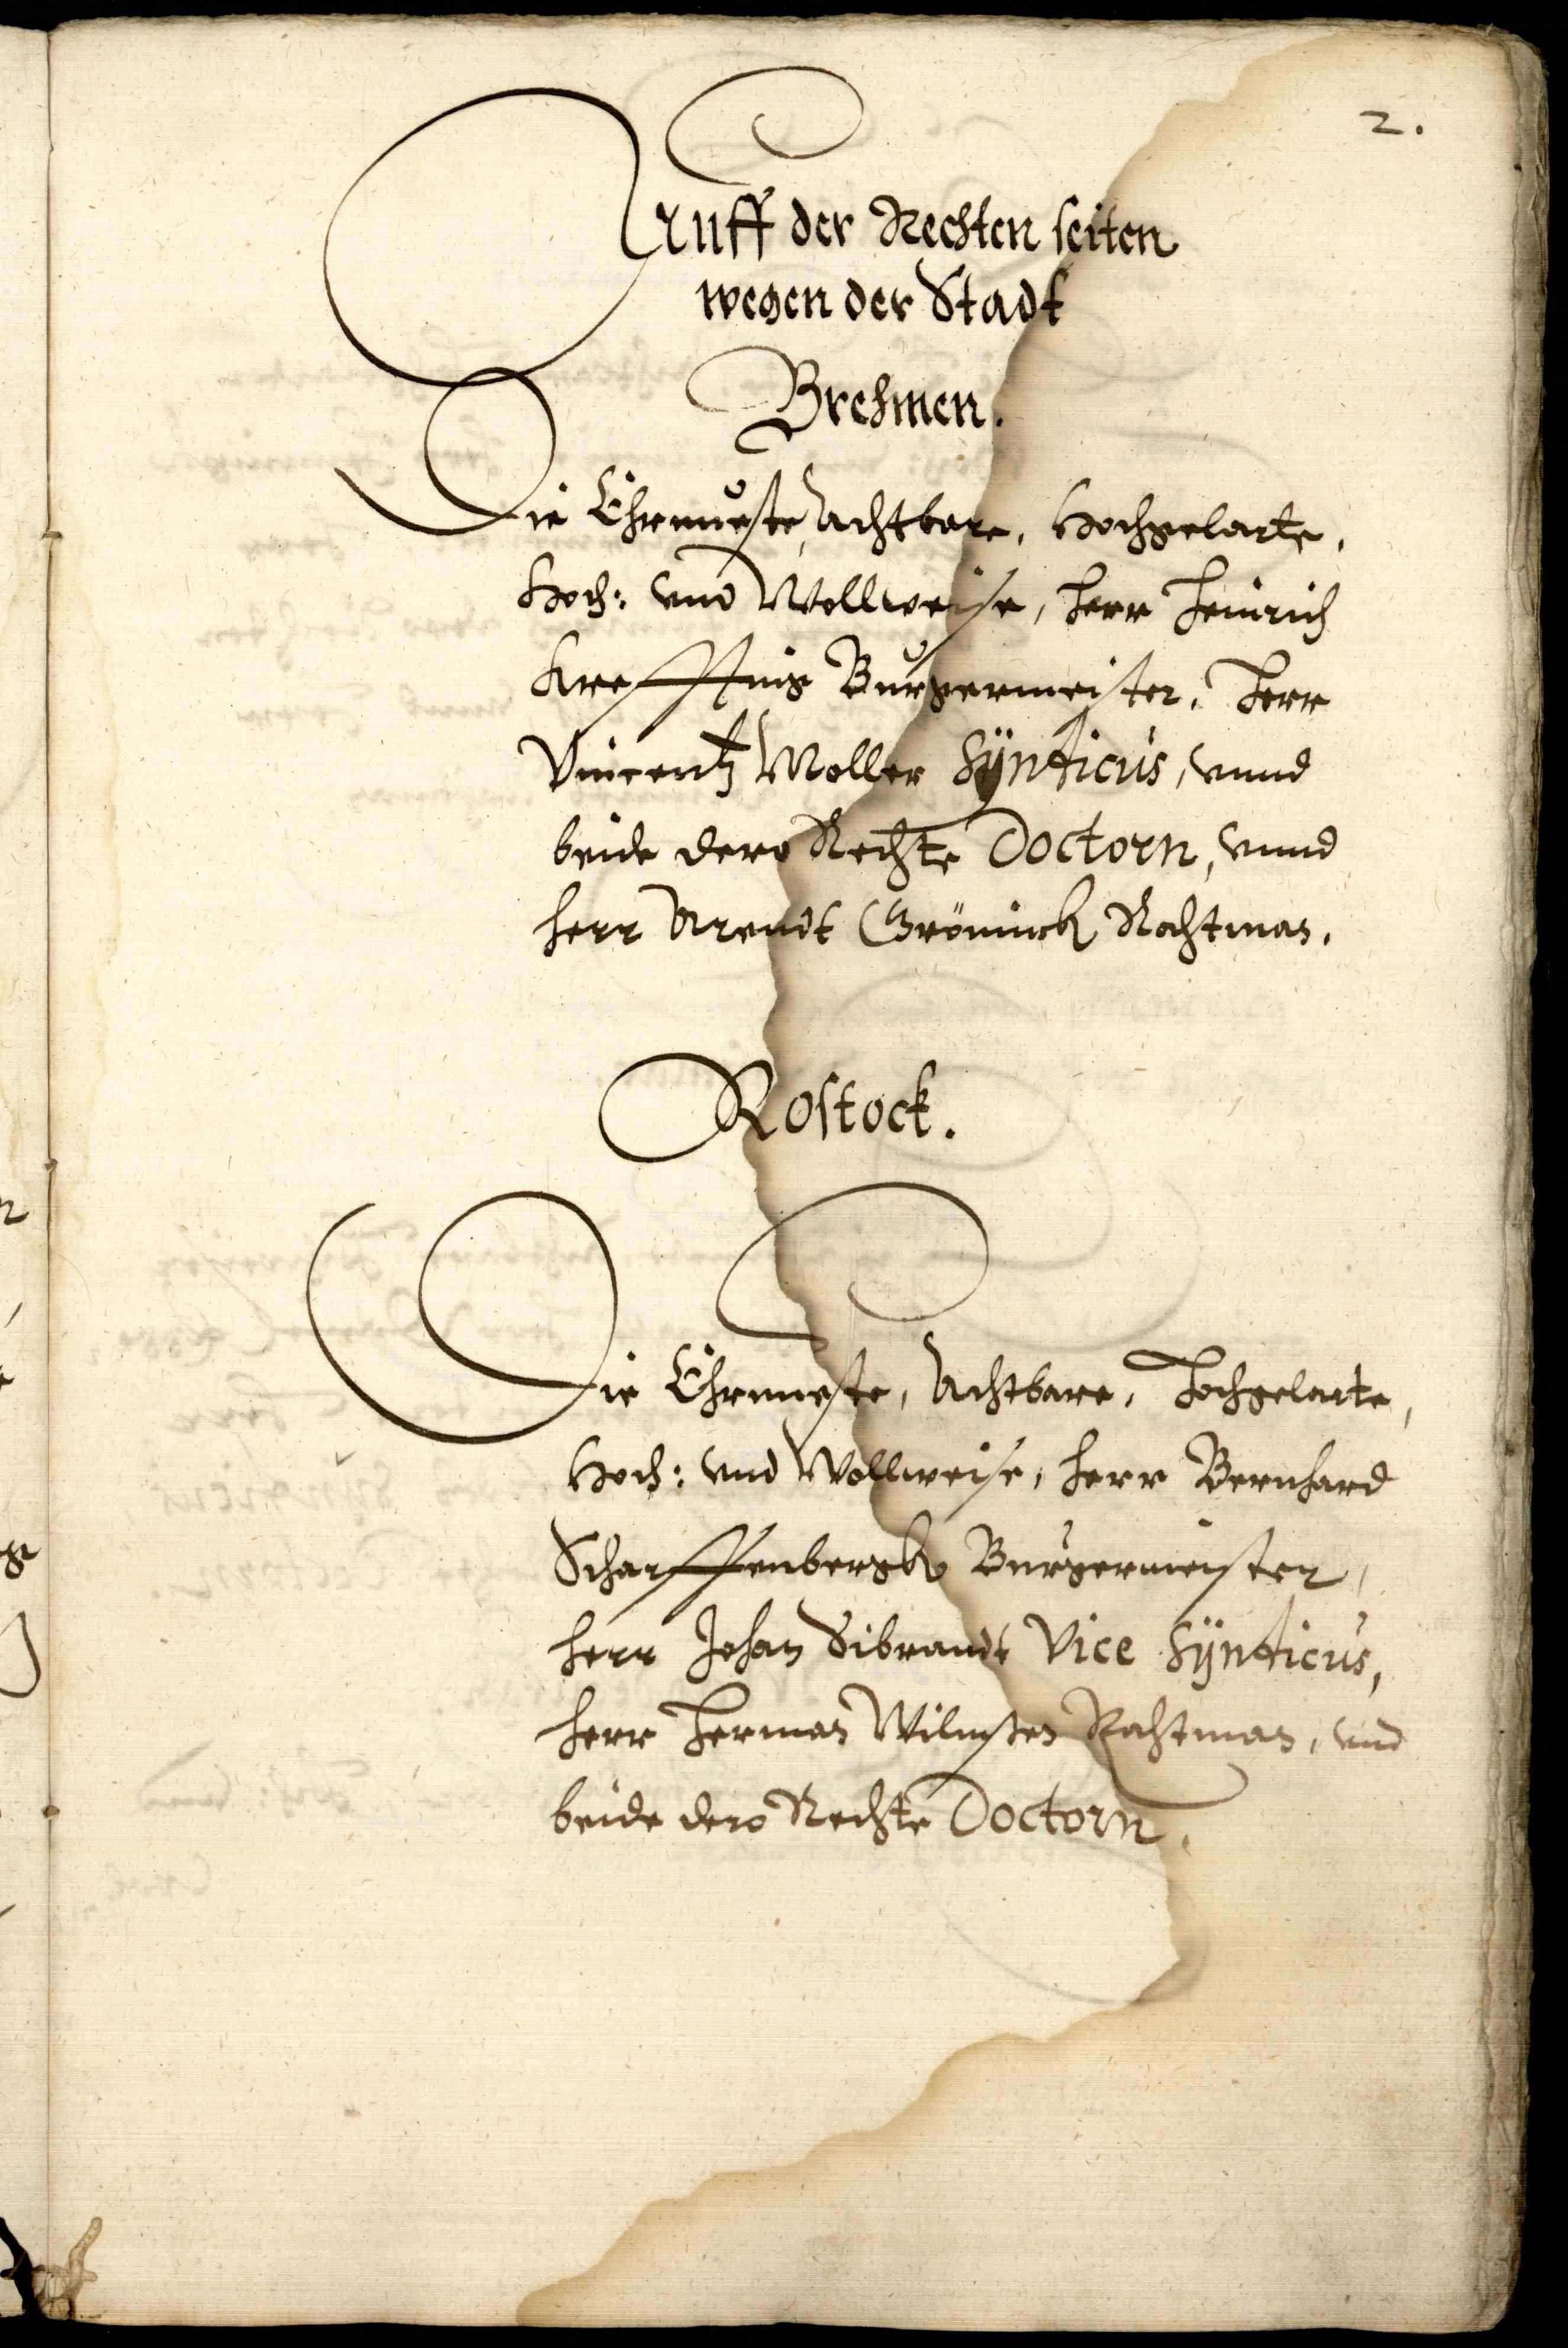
2.
Auff der Rechten setten
wegen der Stadt
Brehmen
Die Ehrnueste, Achtbare, Hochgelarte,
Hoch: vnd Wollweise, Herr Heinrich
Kreffting Burgermeister, Herr
Vincentz Moller Sÿndicus vnnd
beide dero Rechte Doctorn,vnnd
herr Arendt Grönink Rahtman.
Rostock.
Die Ehrnueste, Achtbare, Hochgelarte,
Hoch: vnd Wollweise, herr Bernhard
Scharffenbergk Burgermeister,
herr Johan Sibrandt vice Sÿnticus,
herr Herman Wilmsen Rathman, vnd
beide dero Rechte Doctorn.
